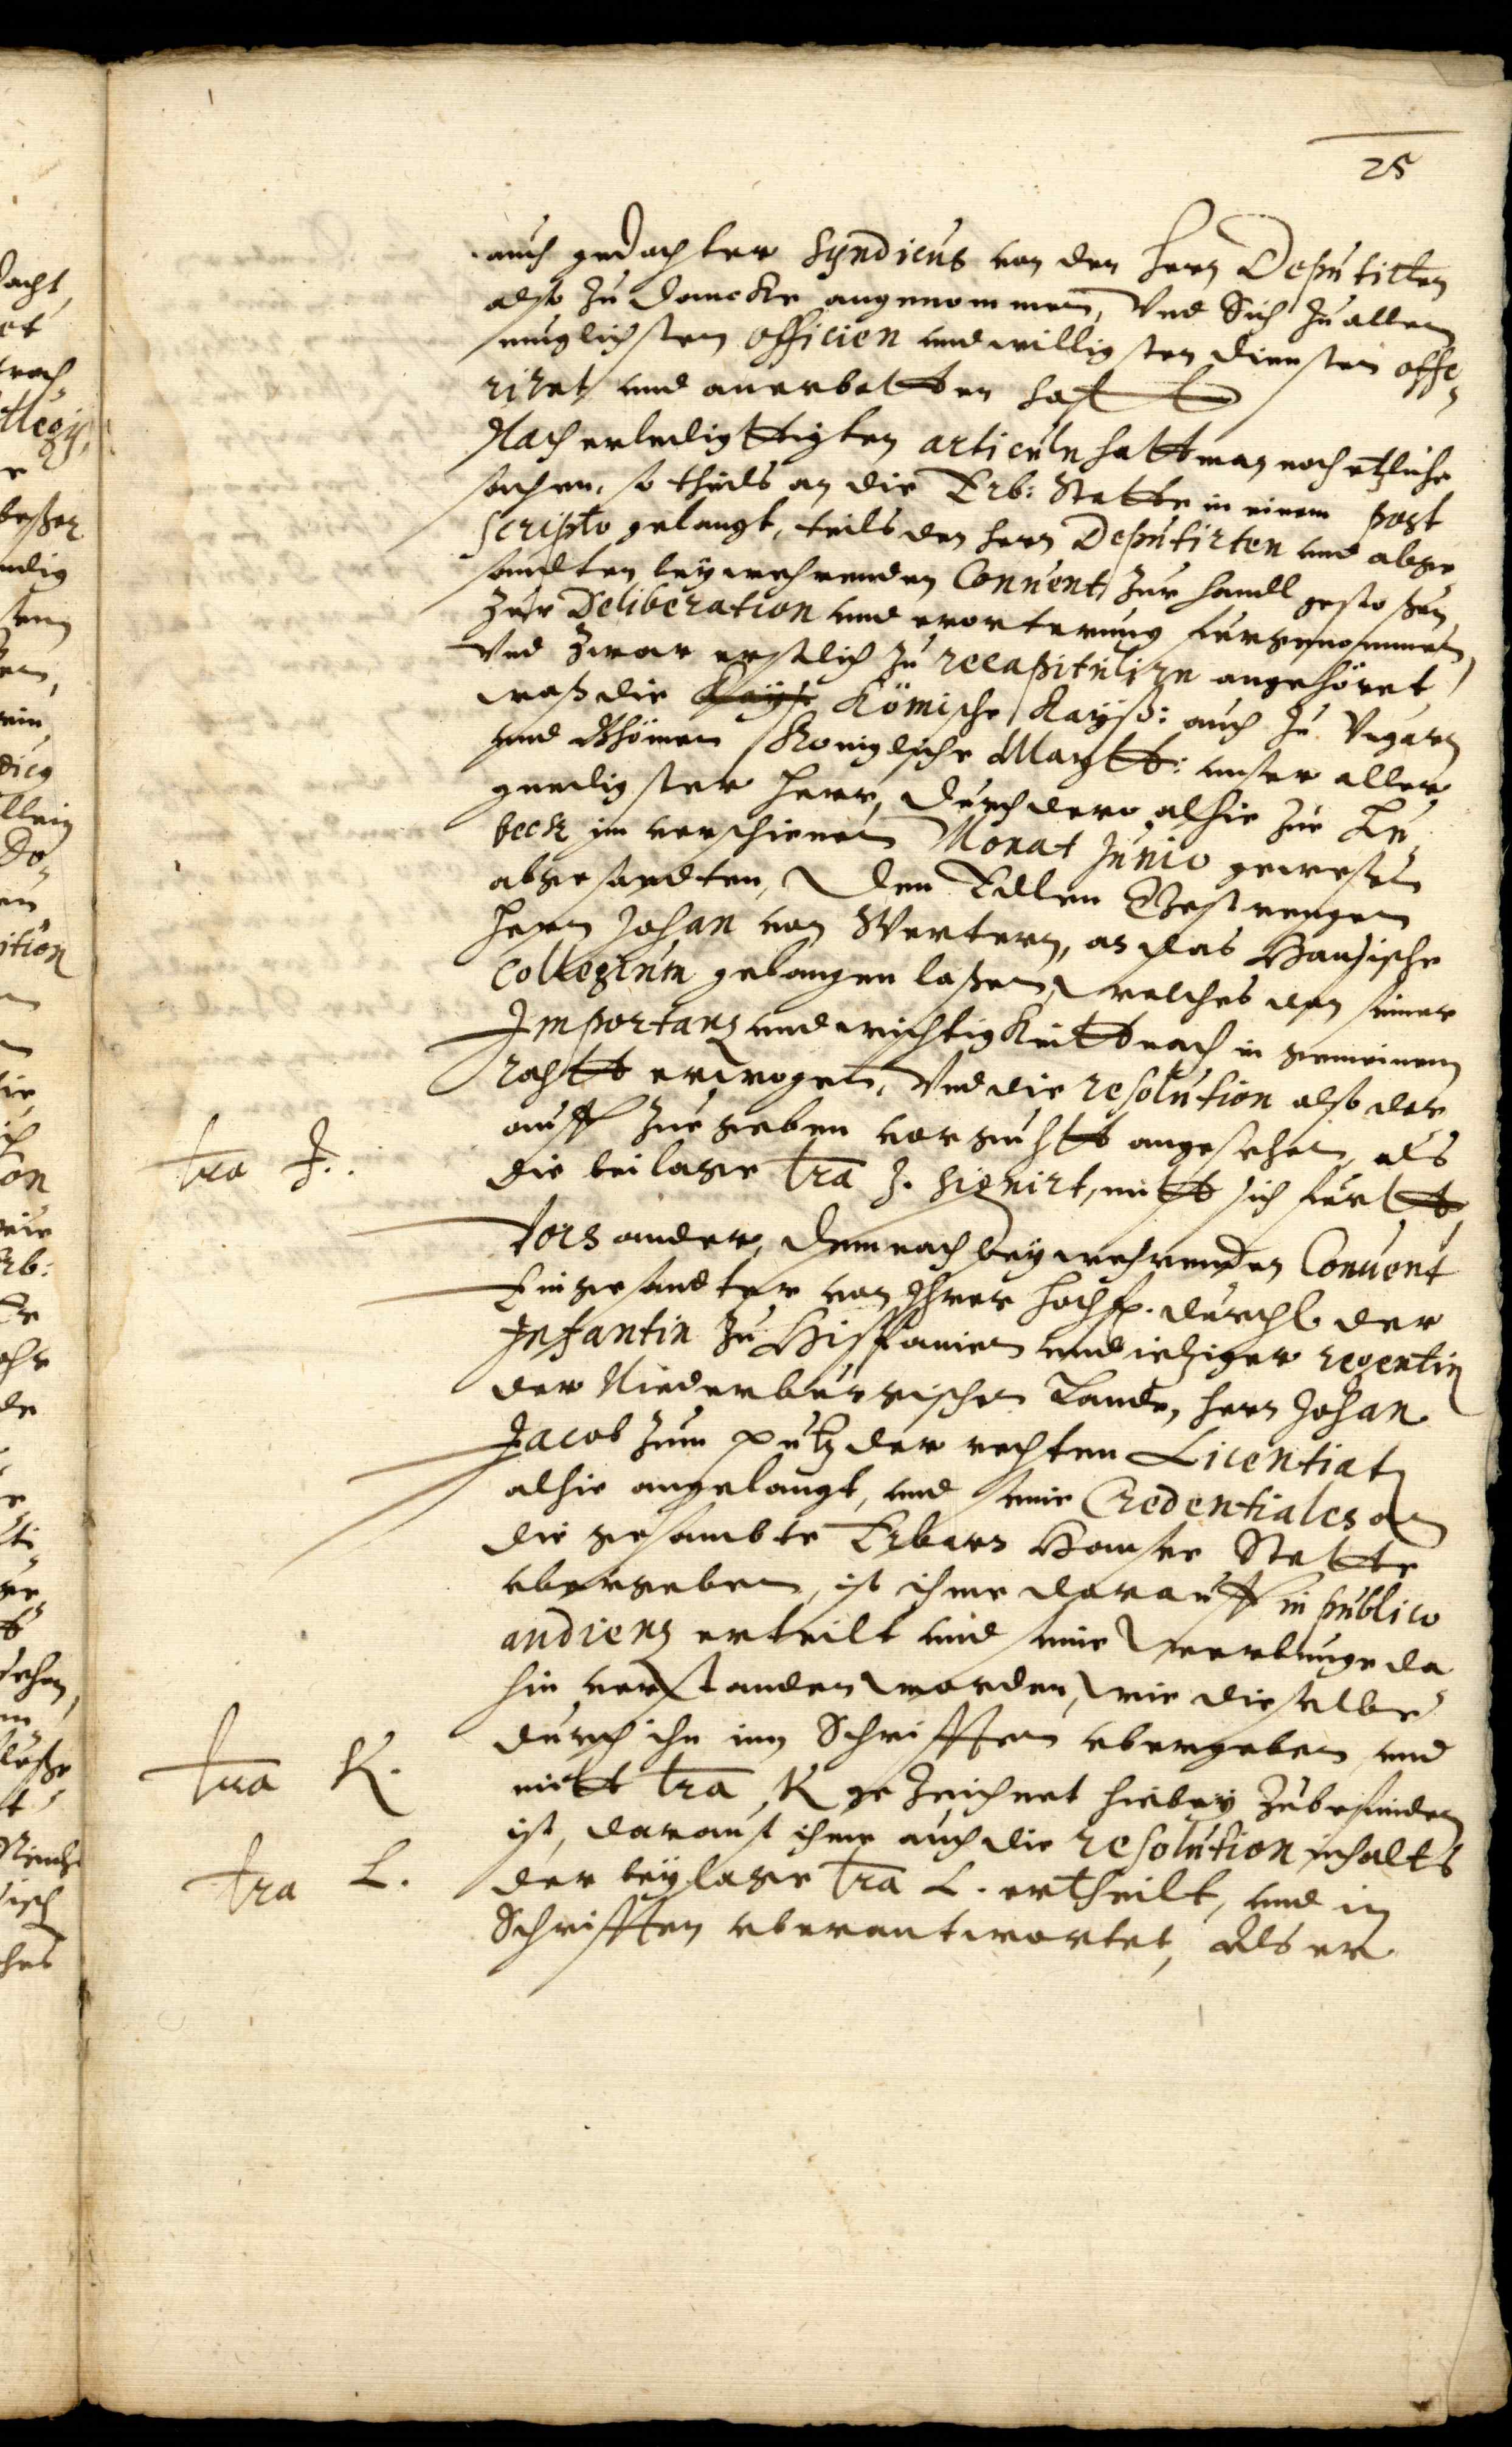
25
tra I.
tra K.
tra L.
auch gedachter Syndicus von den hern Deputirten
also zu dancke angenommen, Vnd Sich zu allen
muglichsten officien vnd willigsten diensten offe¬
riret vnd anerbotten hatt,
Nach erledigttigten articuln hatt man noch etzliche
sachen, so theils an die Erb: Stette in einem post
scripto gelangt, teils den hern Deputirten vnd abge¬
sandten beij wehrenden Conuent Zur handt gestoßen,
Zur Deliberation vnd erorterung furgenommen,
Vnd Zwar erstlich Zu recapitulirn angehöret,
waß die Kaijse kömische kaijß: auch Zu Vngarn
vnd Bhömen konigliche Maytt: vnser aller¬
gnedigster herr, durch dero alhir Zue Lu¬
beck im verschienen Monat Iunio gewesten
abgesandten, dem Edlen Gestrengen
hern Johan von Wertern, an das Hansische
Collegium gelangen laßen welches dan seiner
Importanz vnd wichtigkeitt nach in gemeinem
rahtt erworgen, Vnd die resolution als dar¬
auff Zue geben vor guhtt angesehen, als
die beilage tra I. signirt, mitt sich furtt,
Vors ander, demnach bey wehrenden Conuent
Eingesandten von Ihrer Hochfl. Durchl der
Infantin Zu Hispanien vnd ietziger regentin
der Niederburgischen Lande, hern Iohan
Iacob Zum Putz der rechten Licentiat
alhie angelangt, vnd seine Credentiales an
die gesambte Erbarn Hansee Stette
vbergeben, ist ihme darauff in publico
audiens erteilt vnd seine werbunge da¬
hin verstanden worden, wie dieselbe
durch ihn inn Schrifften vbergeben vnd
mit tra K geZeichnet hiebeij Zubefinden
ist, darauf ihme auch die resulution inhalts
der beylage tra L. ertheilt, vnd in
Schriften vberantwortet, Als er
